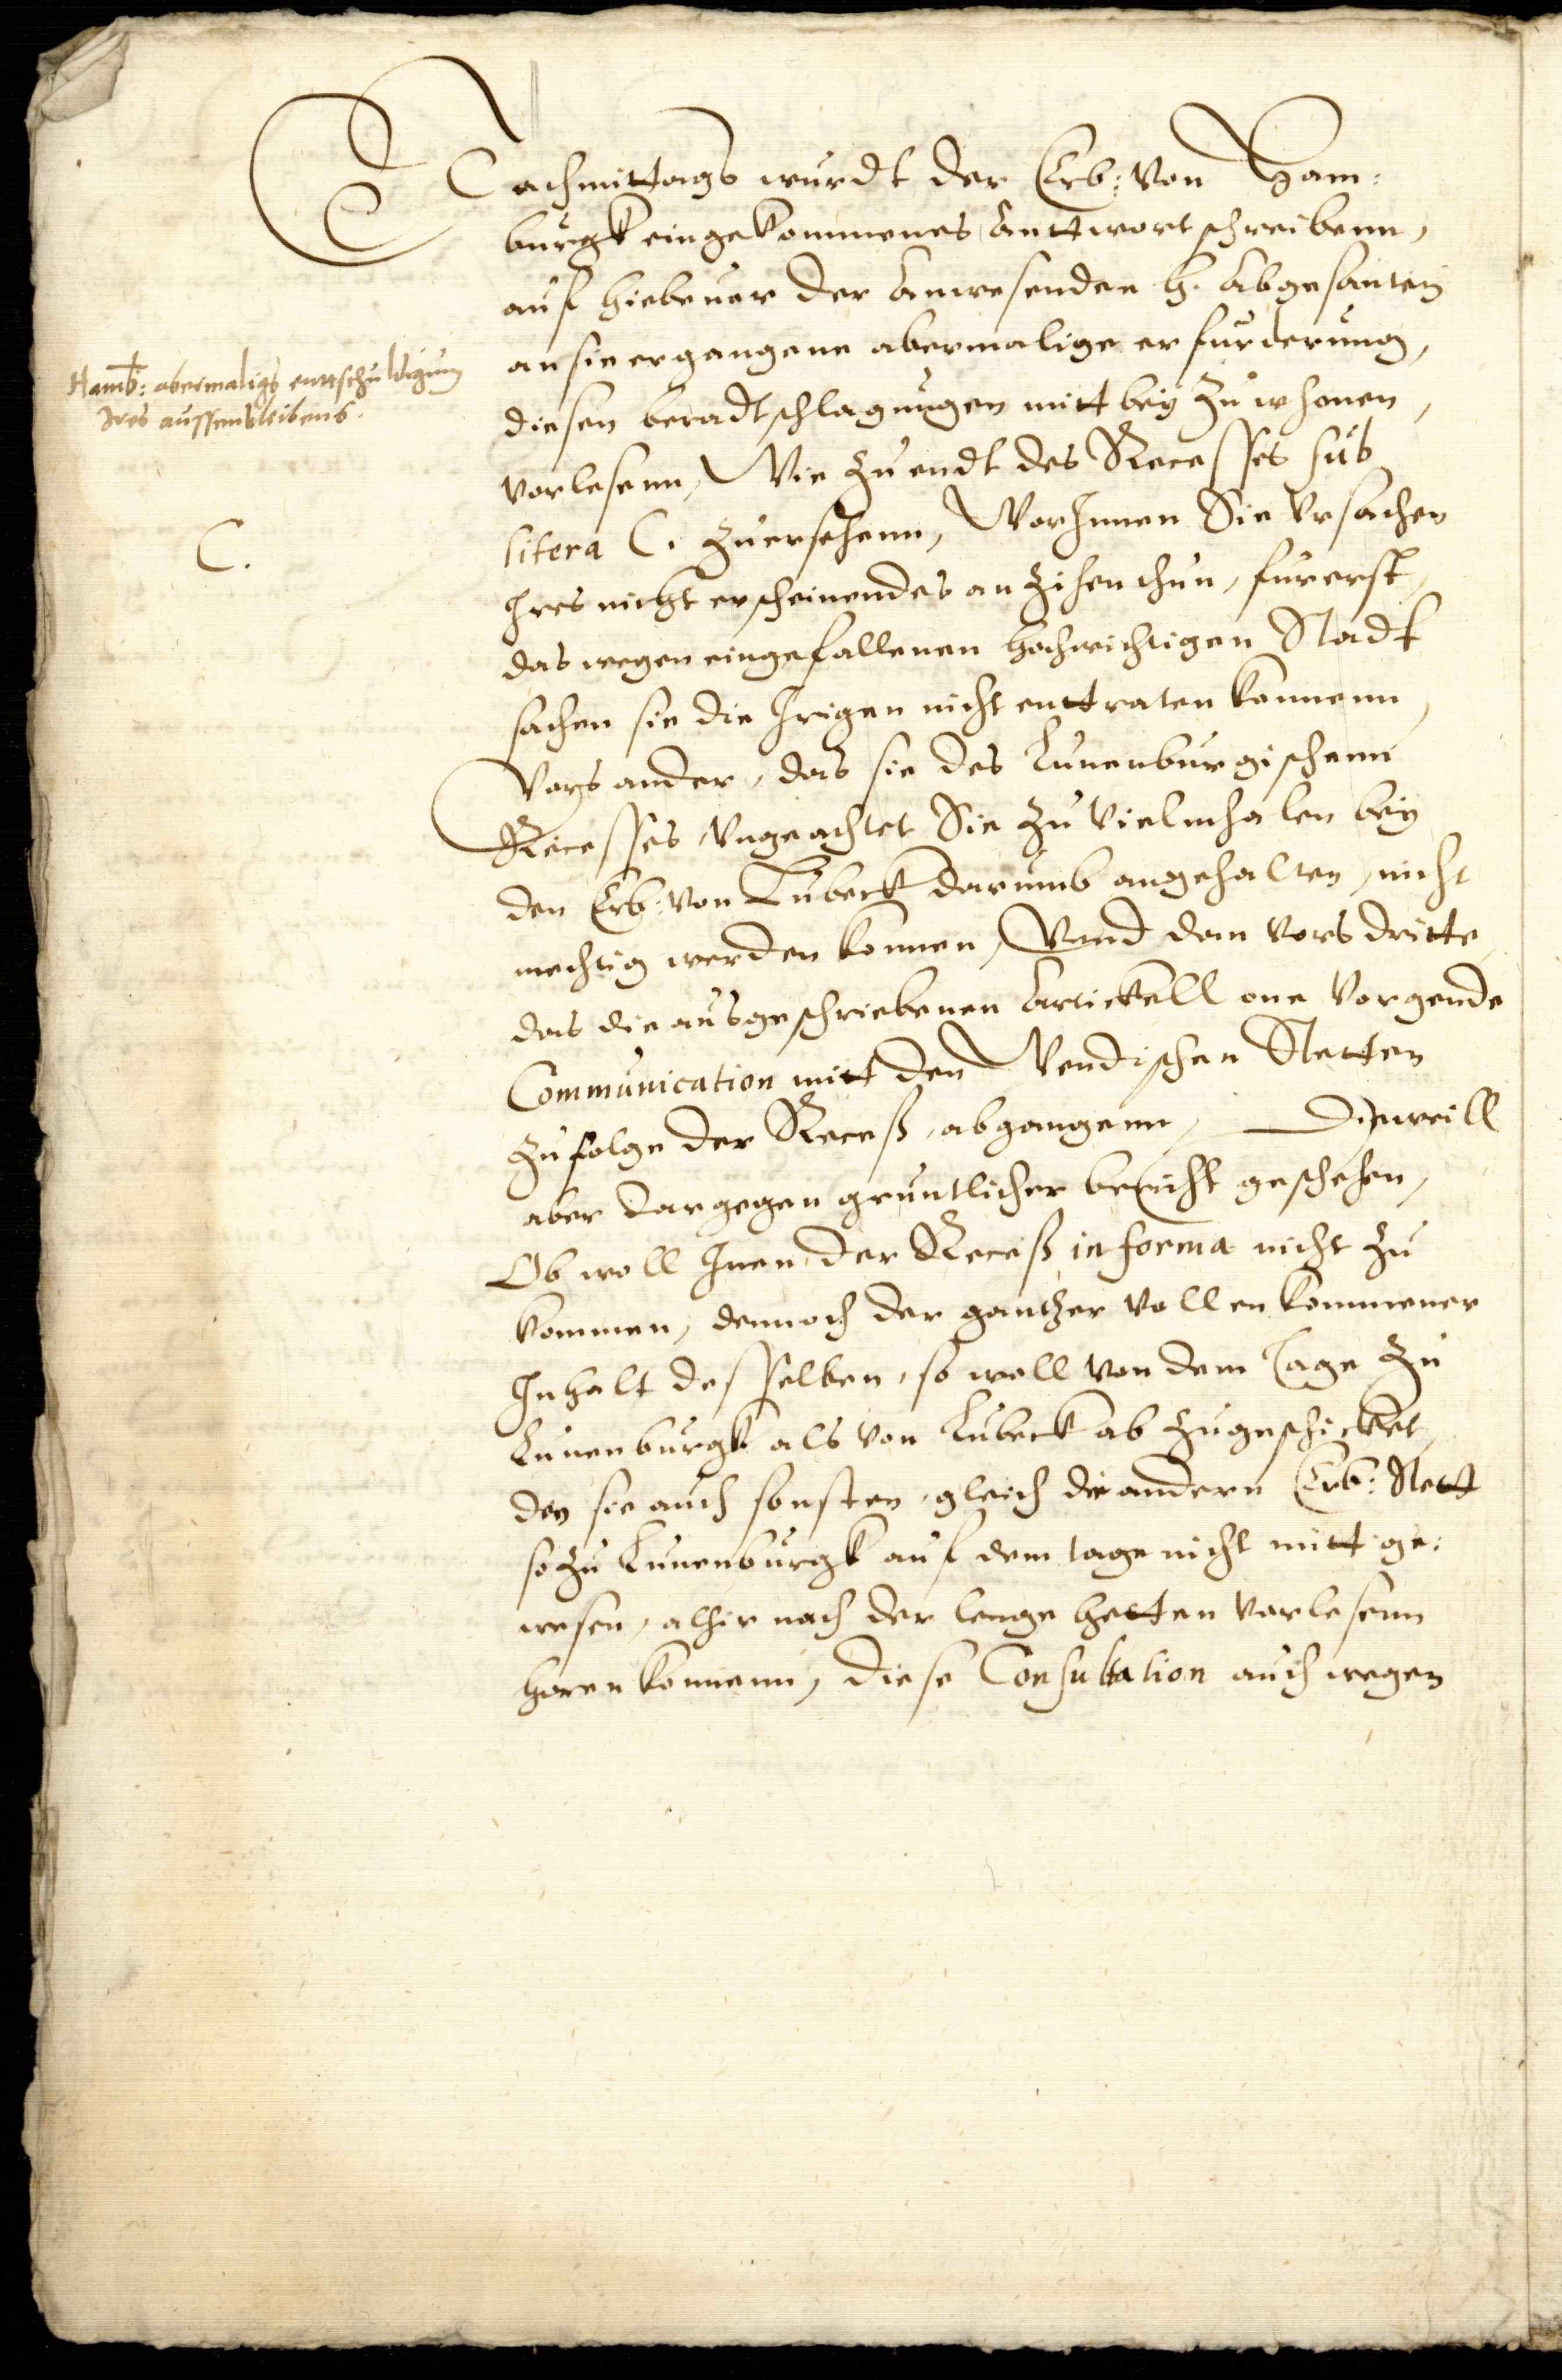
Hamb: abermaligs enttschuldigung
Jres aussenbleibens.
Nachmittags wurdt der Erb: von Ham¬
burgk eingekommenes anttwortschreibenn,
auf hiebeuor der anwesenden H. abgesanten
an sie ergangenn abermalige erfurderung,
diesen beradtschlagungen mitt bey zu whonen,
vorlesenn, wie zu endt des Recesses sub
litera C. zu ersehenn, Wor Jnnen Sie vrsachen
Jres nicht erscheinendes anzihen thun, furerst,
das wegen eingefallenen hochwichtigen Stadt
sachen sie die Jrigen nicht enttraten konnenn,
Vors ander, das sie des Lunenburgischenn
Recesses vngeachtet Sie zu vielmhalen beij
den Erb: von Lubeck darumb angehalten, nicht
mechtig werden konnen, Vnnd dan vors dritte,
das die ausgeschriebenen Artickell one vorgende
Communication mitt den Wendischen Stetten
zufolge der Receß abgangenn, Dieweill
aber dargegen gruntlicher bericht geschehen,
Obwoll Jnen der Receß in forma nicht zu
kommen, dennoch der gantzer vollenkommener
Jnhalt desselben, so woll von dem Tage zu
Lunenburgk als von Lubeck ab zugeschicket,
den sie auch sonsten, gleich die andern Erb: Stett
so zu Lunenburgk auf dem tage nicht mitt ge¬
wesen, alhir nach der lenge hetten vorlesenn
horen konnenn, diese Consultation auch wegen
